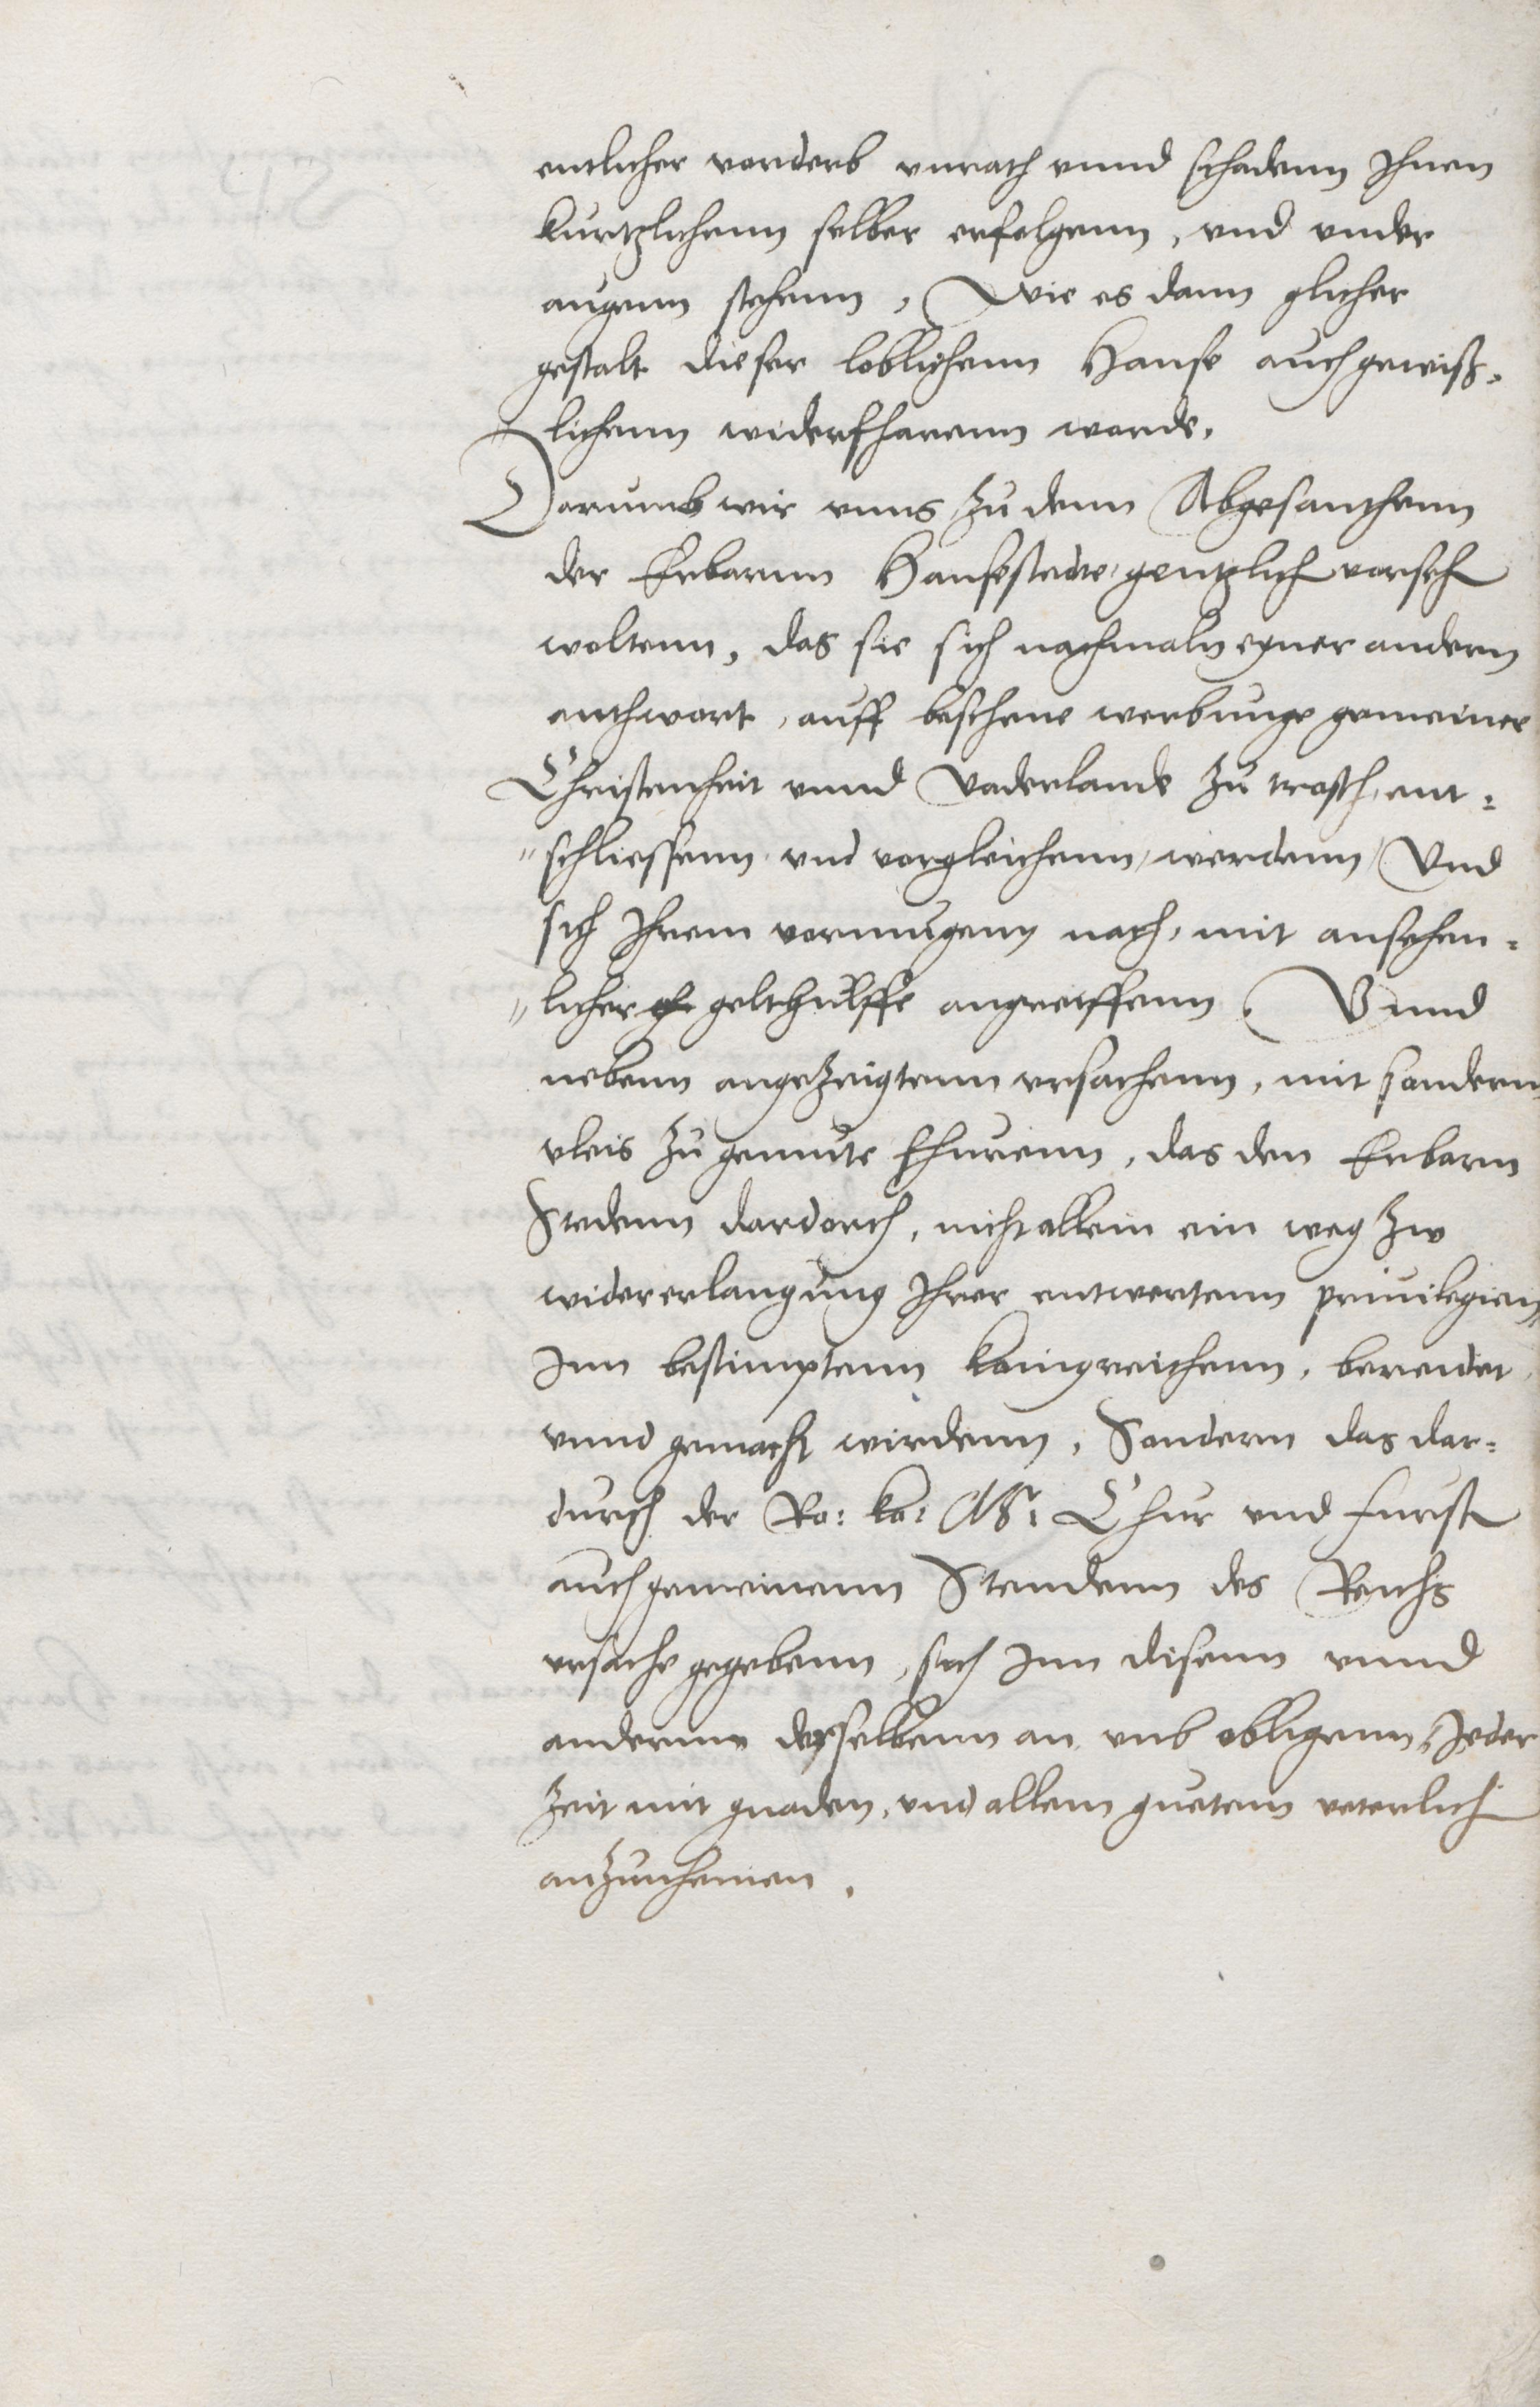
entlicher vorderb vnrath vnnd schadenn jhnen
kurtzlichenn selber erfolgenn, vnd vnder
augenn stehenn, Wie es dann glicher
gestalt dieser loblichenn Hanse auch gewiß¬
lichenn widerfharenn worde.
Darumb wir vnns zu denn Abgesanthenn
der Erbarnn Hansestedte, gentzlichen vorsehen
woltenn, das sie sich nachmaln eyner andern
anthwort, auff beschene werbunge gemeiner
Christenheit vnnd Vaderlande zu trosth ent¬
schliessenn vnd vorgleichenn, werdenn, Vnd
sich jhrem vormugenn nach, mit ansehen¬
licher h gelthulffe angreiffenn. Vnnd
nebenn angezeigtenn vrsachenn, mit sondern
vleis zu gemute fhurenn, das den Erbarn
Stedenn dardorch, nicht allein ein weg zw
widererlangung jhrer entwertenn priuilegien
jnn bestimptenn Konigreichenn, bereidet
vnnd gemacht wirdenn, Sondern das dar¬
durch der Ro: Ko: Mt: Chur vnd Fursten
auch gemeinenn Stendenn des Reichs
vrsache gegebenn, sich jnn disenn vnnd
andernn desselbenn an vnb obligenn, Jeder
zeit mit gnaden, vnd allem guetem veterlichen
anzunhemen.
